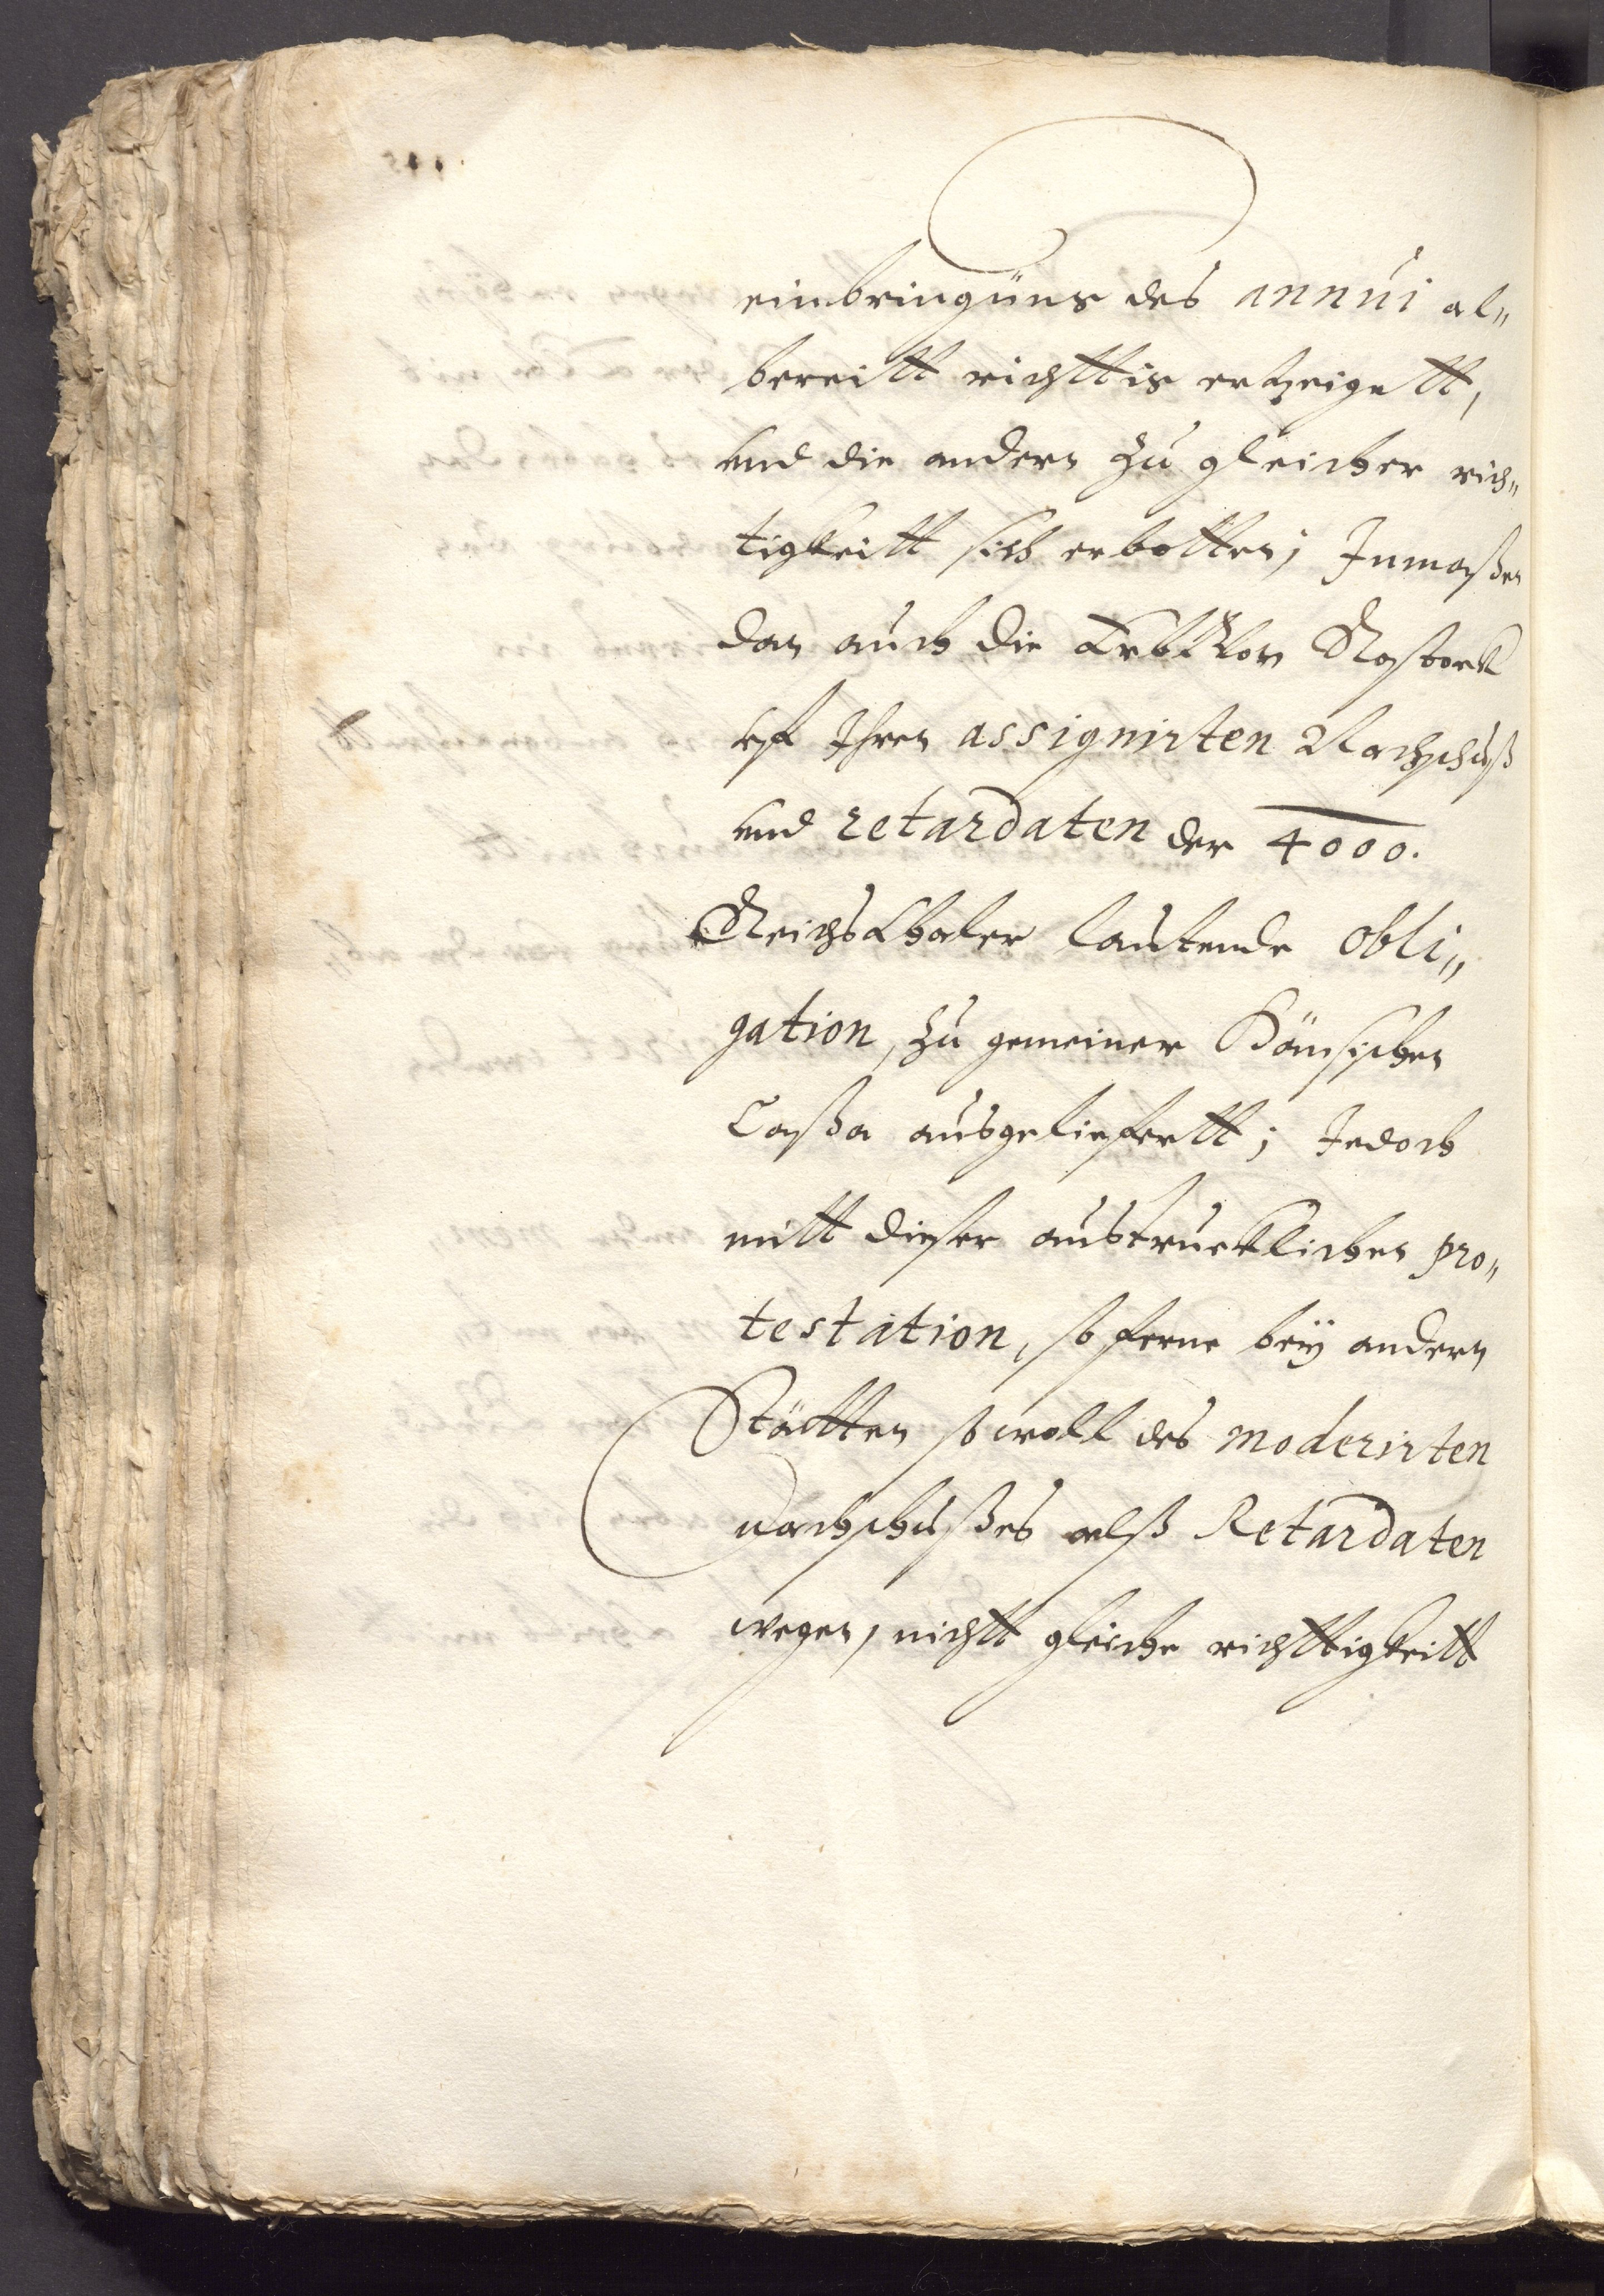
einbringüng des annui al¬
bereitt richttig ertzeigett,
vnd die andern zu gleicher rich¬
tigkeitt sich erbotten; Inmaßen
dan auch die Erbb von Rostock
vf Ihren assignirten Nachschuß
vnd retardaten der 4000.
Reichsthaler lautende obli¬
gation, zu gemeiner Hänsischen
Caßa ausgeliefertt; Iedoch
mitt dieser austrucklichen pro¬
testation, so ferne beij andern
Stätten sowoll des moderirten
nachschußes alß Retardaten
wegen, nichtt gleiche richttigkeitt
